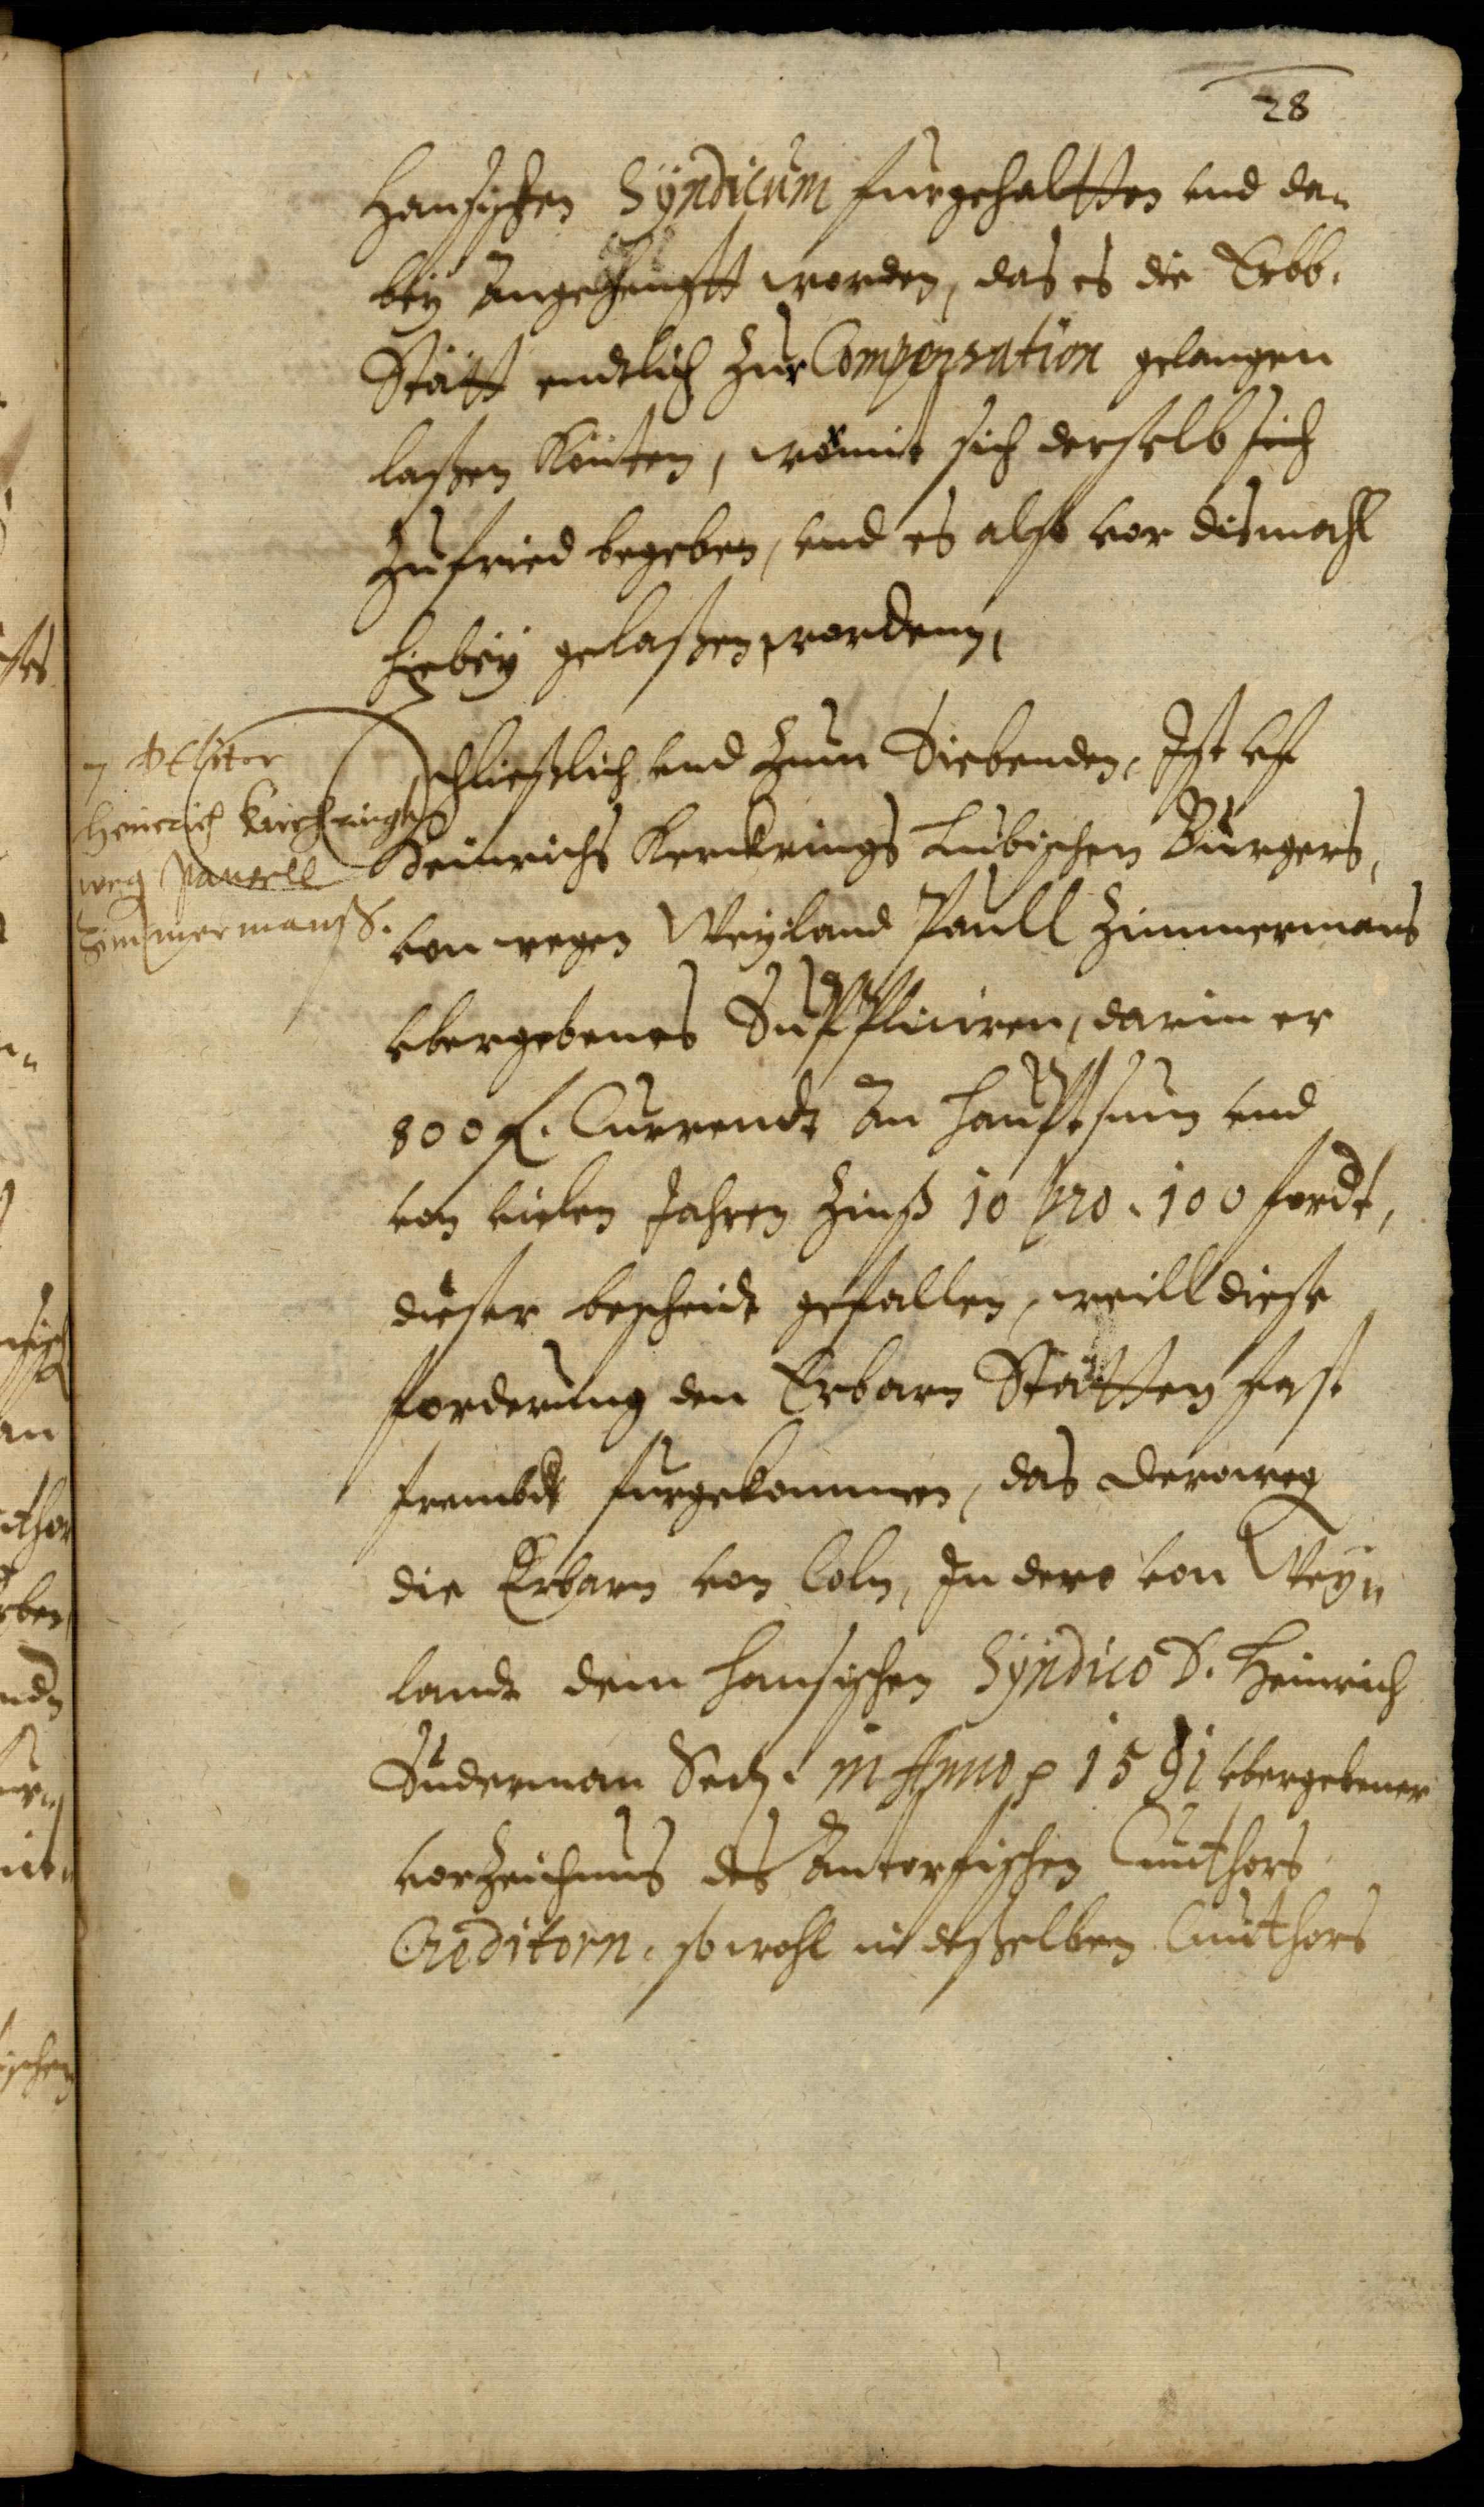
28
Hansischen Sijndicum furgehaltten vnd da¬
beij angeheuftt worden, das es die Erbb:
Stätt endlich zur Compensation gelangen
laßen könten, womit sich derselb sich
zu fried begeben, vnd es alß vor dismahl
hiebeij gelaßen wordenn,
Schließlich vnd zum siebenden, Ist vf
Heinrichs Kerkrings Lubischen Burgers,
von wegen Weijland Paull Zimmermans
vbergebenes suppliniren, darin er
800 f. Currendt an hauptsumen vnd
von vielen Jahren zinß 10 pro. 100 fordert,
dieser bescheidt gefallen, weill diese
forderung den Erbarn Stätten fast
frembt furgekommen, das derwegen
die Erbarn von Coln, In dero von Weij¬
landt dem hansischen Syndico D. Heinrich
Suderman Sachen in Anno p 1591 vbergebener
vorzeichnus des Antorfischen Cunthors
Creditorn, so wohl in deßelben Cunthors
7 Debitor
Heinrich Kirchringh
wegen Pauell
Zimmermanß.
